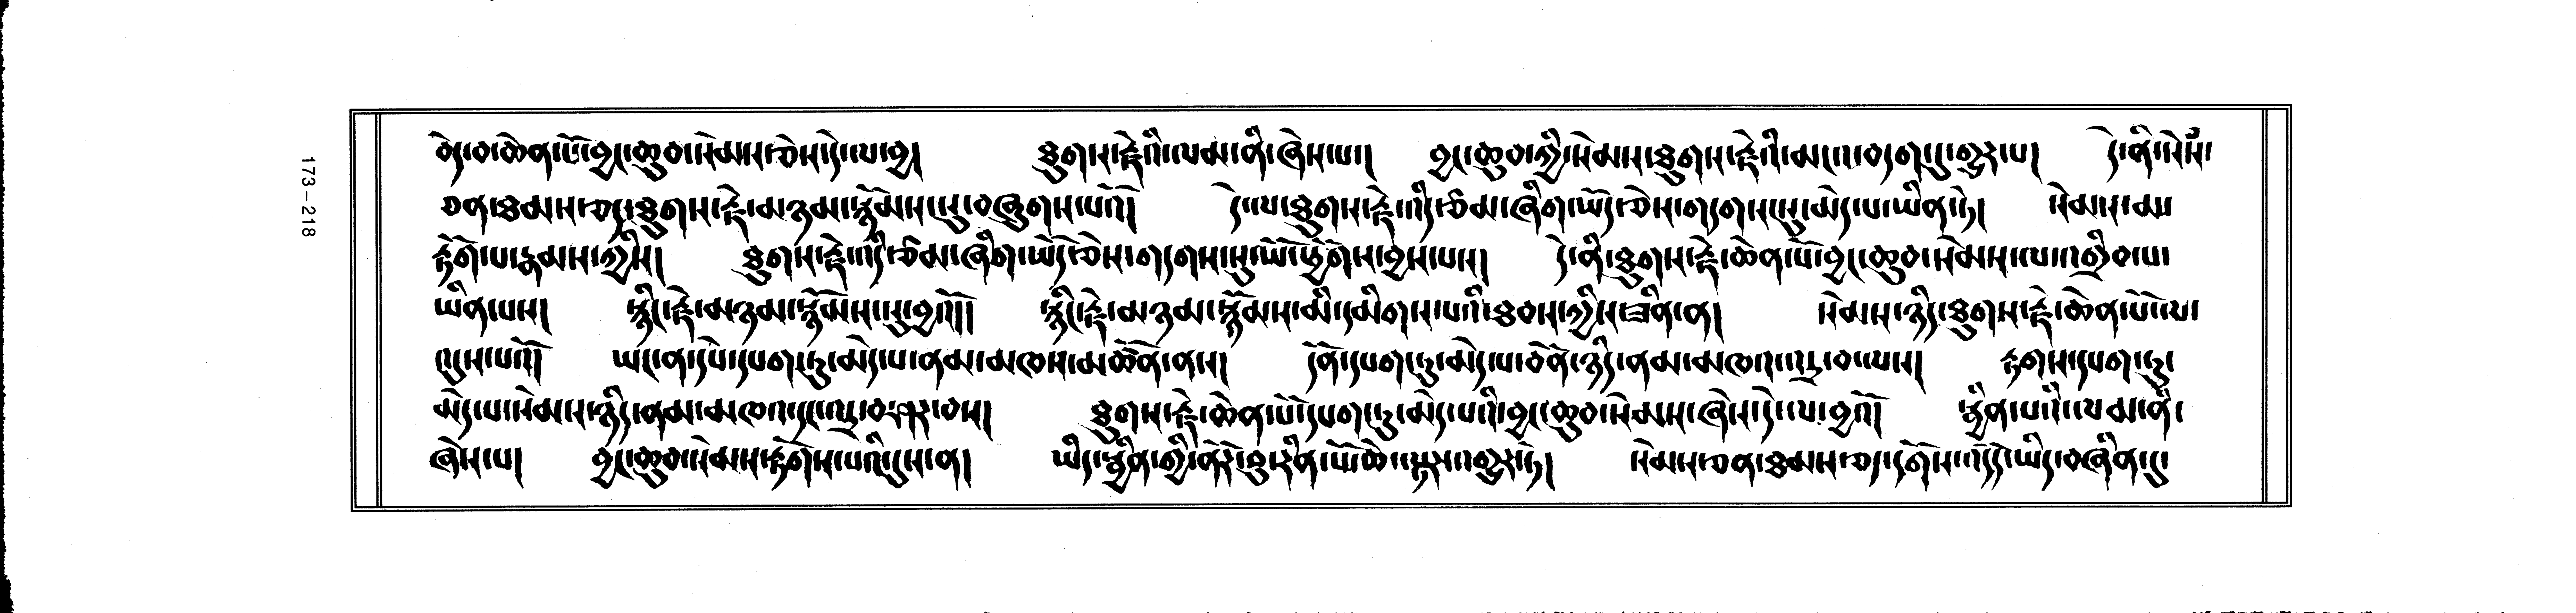བདེ་བ་ཆེན་པོ་བྱང་ཆུབ་སེམས་ཅེས་དེ་ལ་བྱ། ཐུགས་རྗེའི་ལམ་ནི་ཞེས་པ། བྱང་ཆུབ་ཀྱི་སེམས་ཐུགས་རྗེའི་སེམས་མངའ་བདག་ཏུ་གྱུར་པ། དེ་ནི་སེམས་
ཅན་ཐམས་ཅད་ཐུགས་རྗེ་མཉམ་སྙོམས་སུ་བཞུགས་པའོ། །དེ་ལ་ཐུགས་རྗེ་འདི་ཙམ་ཞིག་ཡོད་ཅེས་གདགས་སུ་མེད་པ་ཡིན་ཏེ། སེམས་མ་
རྟོགས་པ་རྣམས་ཀྱིས། ཐུགས་རྗེ་འདི་ཙམ་ཞིག་ཡོད་ཅེས་གདགས་སུ་ཡོ་ཕྱོགས་བྱས་པས། དེ་ནི་ཐུགས་རྗེ་ཆེན་པོ་བྱང་ཆུབ་སེམས་ལ་འགྲིབ་པ་
ཡིན་པས། སྙིང་རྗེ་མཉམ་སྙོམས་སུ་བྱའོ། །སྙིང་རྗེ་མཉམ་སྙོམས་མི་དམིགས་པའི་ཐབས་ཀྱིས་ཟིན་ན། སེམས་ཉིད་ཐུགས་རྗེ་ཆེན་པོ་ལ་
འདུས་པའོ། །ཡང་ན་དཔེ་དཔག་ཏུ་མེད་པ་ནམ་མཁས་མཚོན་ནས། དོན་དཔག་ཏུ་མེད་པ་བོན་ཉིད་ནམ་མཁའ་འདྲ་བ་ལས། རྟགས་དཔག་ཏུ་
མེད་པ་སེམས་ཉིད་ནམ་མཁའ་དང་འདྲ་བ་ཤར་བས། ཐུགས་རྗེ་ཆེན་པོ་དཔག་ཏུ་མེད་པའི་བྱང་ཆུབ་སེམས་ཞེས་དེ་ལ་བྱའོ། །སྦྱིན་པའི་ལམ་ནི་
ཞེས་པ། བྱང་ཆུབ་སེམས་རྟོགས་པའི་དུས་ན། ཡིད་སྦྱིན་གྱི་ནོར་བུ་རིན་པོ་ཆེ་ལྟར་འགྱུར་ཏེ། སེམས་ཅན་ཐམས་ཅད་དགོས་འདོད་ཡིད་བཞིན་དུ་